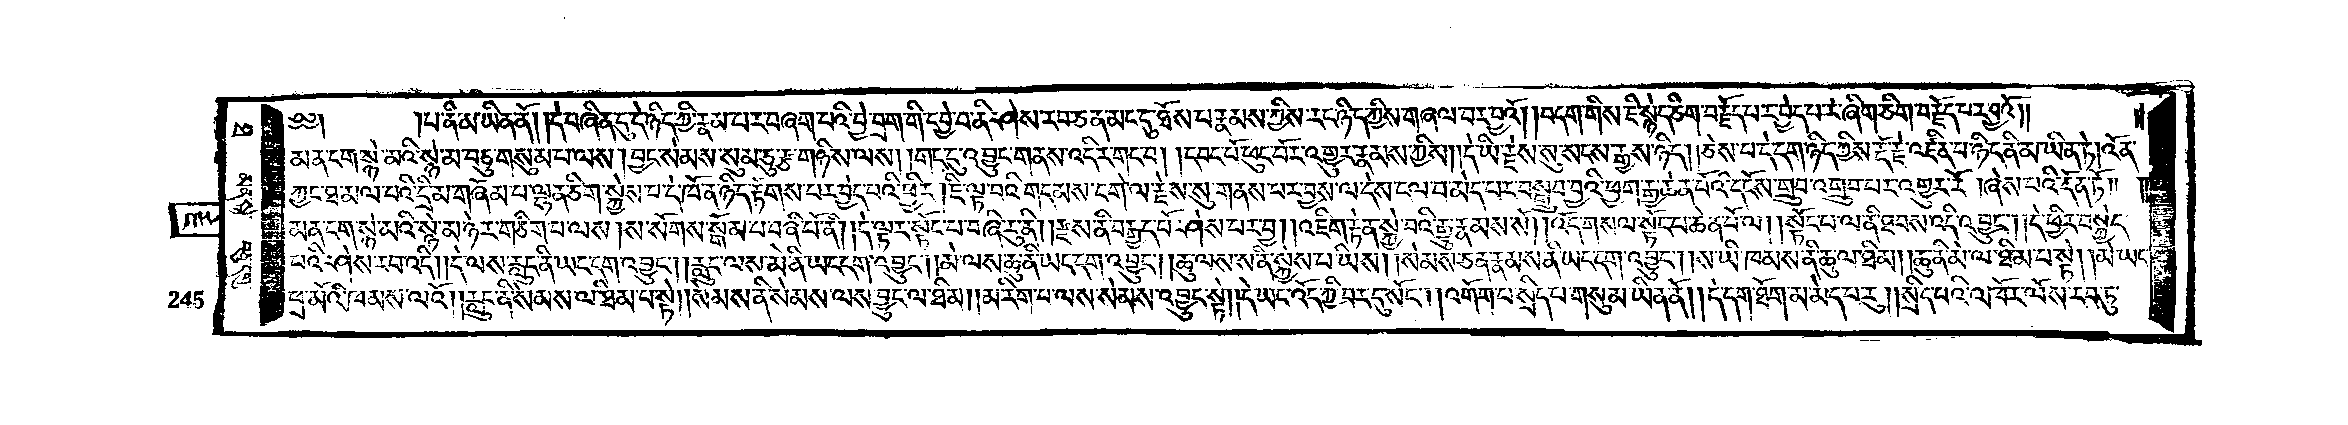༄༅། །པ་ནི་མ་ཡིན་ནོ། །དེ་བཞིན་དུ་དེ་ཉིད་ཀྱི་རྣམ་པར་བཞག་པའི་བྱེ་བྲག་གི་དབྱེ་བ་ནི་ཤེས་རབ་ཅན་མང་དུ་ཐོས་པ་རྣམས་ཀྱིས་རང་ཉིད་ཀྱིས་གཞལ་བར་བྱའོ། །བདག་གིས་ཇི་སྙེད་ཅིག་བརྗོད་པར་བྱེད་པ་རེ་ཞིག་ཅིག་བརྗོད་པར་བྱའོ།། །།
མན་ངག་སྙེ་མའི་སྙེ་མ་བཅུ་གསུམ་པ་ལས། བྱང་སེམས་སུམ་ཅུ་རྩ་གཉིས་ལས། །གང་དུ་འབྱུང་གནས་འདིར་གང་བ། །དབང་པོ་ཕུང་པོར་འགྱུར་རྣམས་ཀྱིས། །དེ་ཡི་རྗེས་སུ་སངས་རྒྱས་ཉིད། །ཅེས་པ་དེ་དག་ཉིད་ཀྱིས་རྡོ་རྗེ་འཛིན་པ་ཉིད་ནི་མ་ཡིན་ཏེ། འོན་
ཀྱང་ཐ་མལ་པའི་དྲི་མ་གཞོམ་པ་ལྷན་ཅིག་སྐྱེས་པ་དེ་ཁོ་ན་ཉིད་རྟོགས་པར་བྱེད་པའི་ཕྱིར། ཇི་ལྟ་བའི་གདམས་ངག་ལ་རྗེས་སུ་གནས་པར་བྱས་ལ་དེས་ངལ་བ་མེད་པར་བསྒྲུབ་བྱའི་ཕྱག་རྒྱ་ཆེན་པོའི་དངོས་གྲུབ་འགྲུབ་པར་འགྱུར་རོ། །ཞེས་པའི་དོན་ཏོ།། །།
མན་ངག་སྙེ་མའི་སྙེ་མ་ཉེར་གཅིག་པ་ལས། ས་སོགས་སྒོམ་པ་བཞི་པོ་ནི། །དེ་ལྟར་སྟོང་པ་བཞི་རུ་ནི། །རྫས་ནི་བརྒྱད་པོ་ཤེས་པར་བྱ། །འཇིག་རྟེན་སྐྱེ་བའི་རྒྱུ་རྣམས་སོ། །འོད་གསལ་སྟོང་པ་ཆེན་པོ་ལ། །སྟོང་པ་ལ་ནི་ཐབས་འདི་འབྱུང་། །དེ་ཕྱིར་བསྐྱེད་
པའི་ཤེས་རབ་འདི། །དེ་ལས་རླུང་ནི་ཡང་དག་འབྱུང་། །རླུང་ལས་མེ་ནི་ཡང་དག་འབྱུང་། །མེ་ལས་ཆུ་ནི་ཡང་དག་འབྱུང་། །ཆུ་ལས་ས་ནི་སྐྱེས་པ་ཡིས། །སེམས་ཅན་རྣམས་ནི་ཡང་དག་འབྱུང་། །ས་ཡི་ཁམས་ནི་ཆུ་ལ་ཐིམ། །ཆུ་ནི་མེ་ལ་ཐིམ་པ་སྟེ། །མེ་ཡང་
ཕྲ་མོའི་ཁམས་ལའོ། །རླུང་ནི་སེམས་ལ་ཐིམ་པ་སྟེ། །སེམས་ནི་སེམས་ལས་བྱུང་ལ་ཐིམ། །མ་རིག་པ་ལས་སེམས་འབྱུང་སྟེ། །དེ་ཡང་འོད་ཀྱི་བར་དུ་སོང་། །འགོག་པ་སྲིད་པ་གསུམ་ཡིན་ནོ། །དེ་དག་ཐོག་མ་མེད་པ་རུ། །སྲིད་པའི་འཁོར་ལོས་རབ་ཏུ་